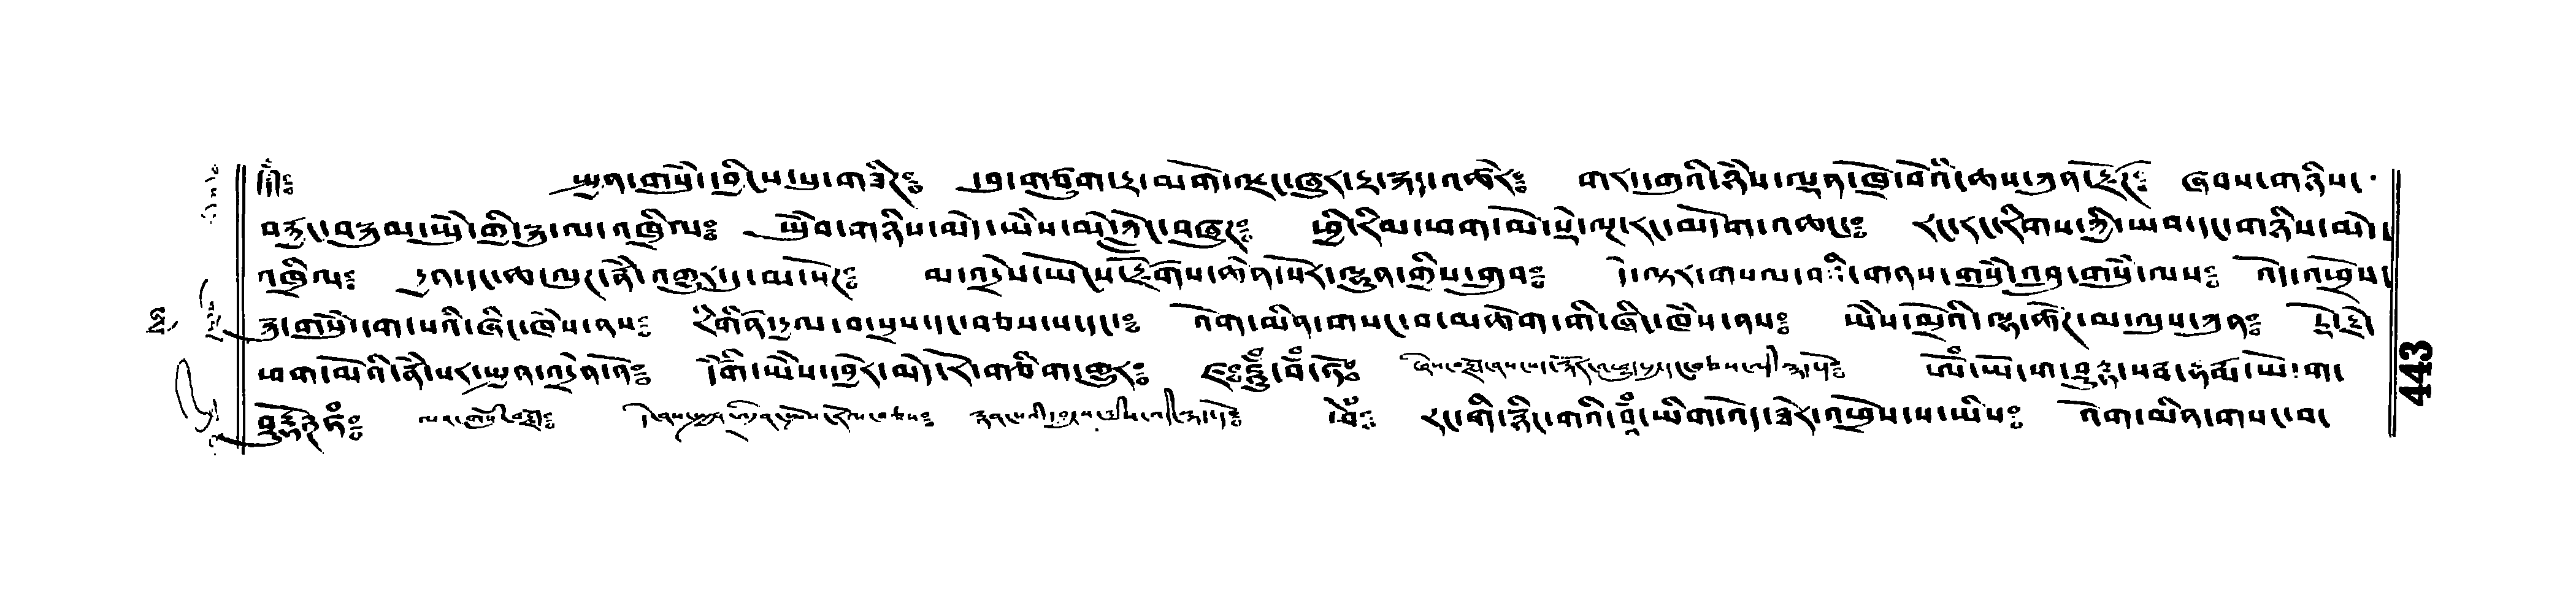སྤྱན་གསུམ་དབྱིངས་སུ་གཟིགས༔ དབུ་གཙུག་རྟ་མགོ་ལྗང་ཞུར་རྟ་སྐད་འཚེར༔ གར་དགུའི་ཉམས་ལྡན་ཁྲོ་བོའི་ཆས་ཀུན་རྫོགས༔ ཞབས་གཉིས་
བརྐྱངས་བསྐུམས་ཡུམ་གྱི་སྐུ་ལ་འཁྲིལ༔ ཡབ་ཡུམ་གཉིས་མེད་ཡེ་ཤེས་མེ་ཀློང་བཞུགས༔ ཕྱི་རིམ་ཕག་མོ་སྡེ་ལྔ་རང་མདོག་འཆང༔ རང་རང་རིགས་ཀྱི་ཡབ་དང་གཉིས་མེད་
འཁྲིལ༔ རྒྱན་དང་ཆ་ལུགས་རྣམ་འགྱུར་དུ་མ་སོགས༔ མ་འདྲེས་ཡོངས་རྫོགས་ཆེན་པོར་ལྷུན་གྱིས་གྲུབ༔ དེ་ལྟར་གསལ་བའི་གནས་གསུམ་འབྲུ་གསུམ་ལས༔ འོད་འཕྲོས་
སྐུ་གསུམ་དག་པའི་ཞིང་ཁམས་ནས༔ རིག་འཛིན་རྒྱལ་བ་སྲས་དང་བཅས་པ་དང༔ འོག་མིན་གསང་བ་མཆོག་གི་ཞིང་ཁམས་ནས༔ ཡེ་ཤེས་མཁའ་འགྲོའི་ལྷ་ཚོགས་མ་ལུས་ཀུན༔ རྡོ་རྗེ་
ཕག་མོའི་རྣམ་པར་སྤྱན་འདྲེན་ནོ༔ དམ་ཚིག་ཡེ་ཤེས་དབྱེར་མེད་རོ་གཅིག་གྱུར༔ ཛཿཧཱུྃ་བྃ་ཧོཿ ཞེས་བརྗོད་ནས་པད་སྐོར་འཁྱུད་རྒྱ་དང་བཅའ་འདི་སྐད་དོ༔ ཨོཾ་ཡོ་ག་ཤུདྡྷ་སརྦ་དྷརྨ་ཡོ་ག་
ཤུདྡྷོ྅་ཧཾ༔ ལན་གསུམ་བརྗོད༔ དེ་ནས་སྤྱན་འདྲེན་སྤོས་རོལ་བཅས༔ སྙན་པའི་དབྱངས་ཀྱིས་འདི་སྐད་དོ༔ ཕེཾ༔ རང་གི་སྙིང་གའི་བཱྃ་ཡིག་འོད་ཟེར་འཕྲོས་པ་ཡིས༔ འོག་མིན་གསང་བ་